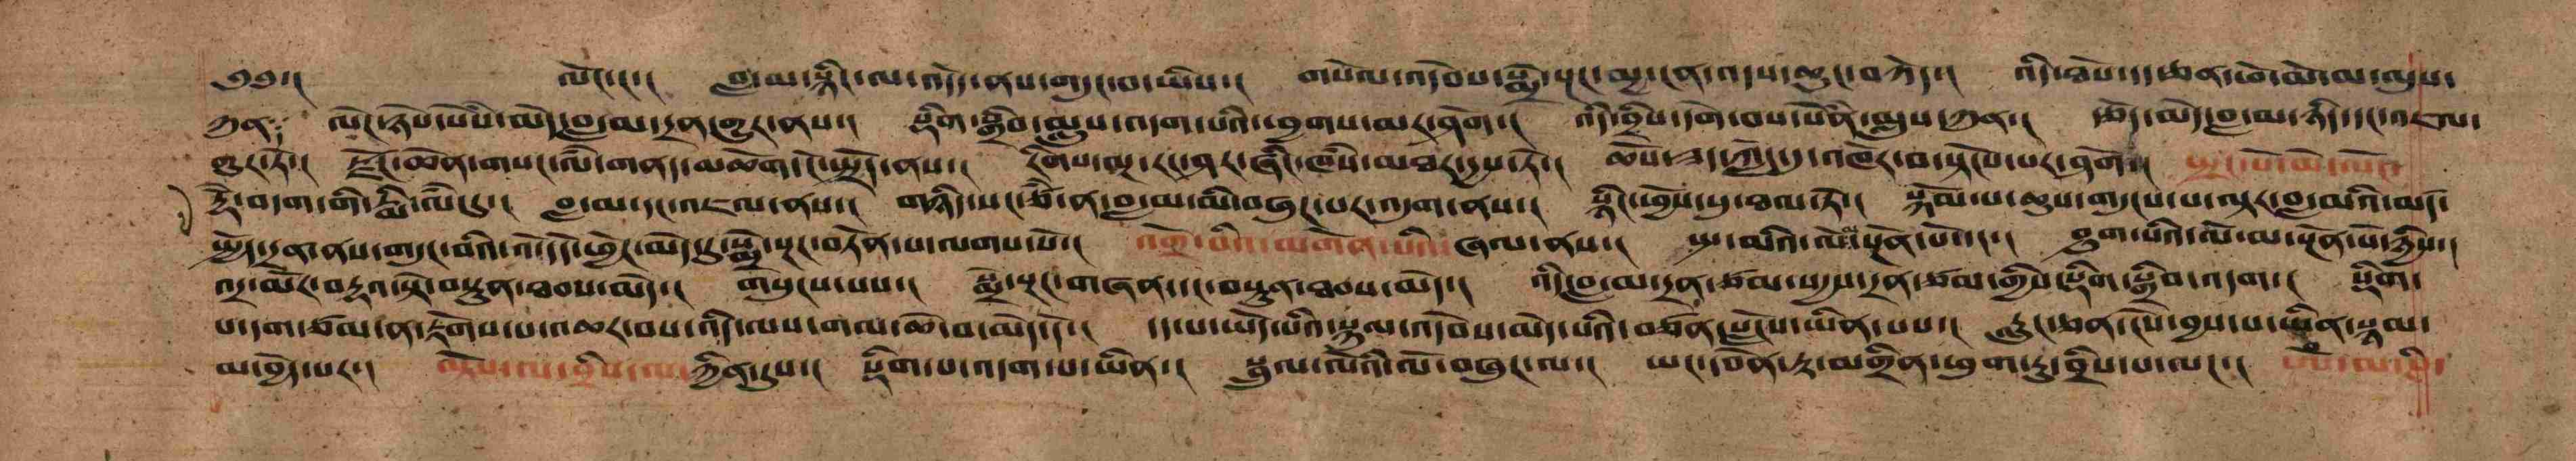༄༅། ལོང་ང་། བླ་མ་སྙིང་ལ་འདོད་ནས་གདུང་བ་ཡིས། གསོལ་འདེབས་སྨྲེ་སྔགས་མྱ་ངན་འདས་ཆུང་བཀོད། འདི་ཐོས་དད་ཅན་ཕོ་མོ་མ་ལུས་
ཀུན༑ ལེགས་ཉེས་སེམས་མེད་བླ་མ་དྲན་གྱུར་ནས། སྡིག་སྒྲིབ་མ་ལུས་འདག་པའི་ཕྱགས་མར་ཤོག། འདི་བྲིས་དགེ་བས་སེམས་ཅན་མ་ལུས་ཀུན། རྩོད་མེད་བླ་མ་ཉིད་དང་འཇལ་
གྱུར་ཏེ། རྫོགས་ཆེན་གསང་ལི་གནད་མཆོག་ངོ་སྤྲོད་ནས། རིགས་ལྔ་རང་ཤར་ཞིང་ཁམས་མཐར་རྒྱས་ཏེ། ཆོས་ཟད་ཀློང་དུ་འཁོར་བ་སྟོངས་པར་ཤོག སྤྲང་པོ་མེ་ལོང་
རྡོ་རྗེ་བདག་གི་རྨི་ལམ་དུ། བླ་མ་དང་འཇལ་ནས། གཉིད་སང་ཙི་ན་བླ་མ་མི་བཞུགས་པར་འདུག་ནས། སྙིང་ཕྱོས་སུ་ཐལ་ཏེ། སྐོམ་པ་ཆུས་གདུངས་པ་ལྟར་བླ་མའི་མཛད་
སྤྱོད་དྲན་ནས་གདུང་བའི་འོ་དོད་ཕྱོགས་མེད་དུ་སྨྲེ་སྔགས་བཏོན་པ་ལགས་སོ། འགྲོ་བའི་མགོན་པོའི་ཞལ་ནས། སྤ་མའི་ལམ་སྔོན་པོ་དང་། ཤུག་པའི་ལོ་མ་སྔོན་པོ་གཉིས། 
འདྲ་མེར་བདྷའ་སྟེ་བསྟུན་ཐབས་མེད། གསུངས་པས། སྨྲེ་སྔགས་གཞན་དང་བསྟུན་ཐབས་མེད། འདི་བླ་མ་དྲན་ཙམ་སངས་རྒྱས་དྲན་ཙམ་གྱིས་སྡིག་འདག། སྡིག་
པ་དག་ཙམ་ན་རྟོགས་པ་འཆར་བས་འདི་ལས་གལ་ཆེ་བ་མེད་དོ། དད་པ་ཡོད་པའི་སྐུལ་འདེབས་མེད་པའི་བཙན་སློངས་ཡིན་པས། རླུང་ཅན་ངེས་བྱས་པ་ཡིན་སྙམ་
མ་བྱེད་པར། ལྟོས་ལ་བྲིས་ལ་ཀྱིན་དུས། སྡིག་པ་འདག་པ་ཡིན། སྦྲུལ་ལོའི་ལོ་བཞུགས་ལ། ཡང་དབེན་རྟ་མགྲིན་ཕུག་ཏུ་བྲིས་པ་ལགས། ཨོཾ་མ་ཎི་